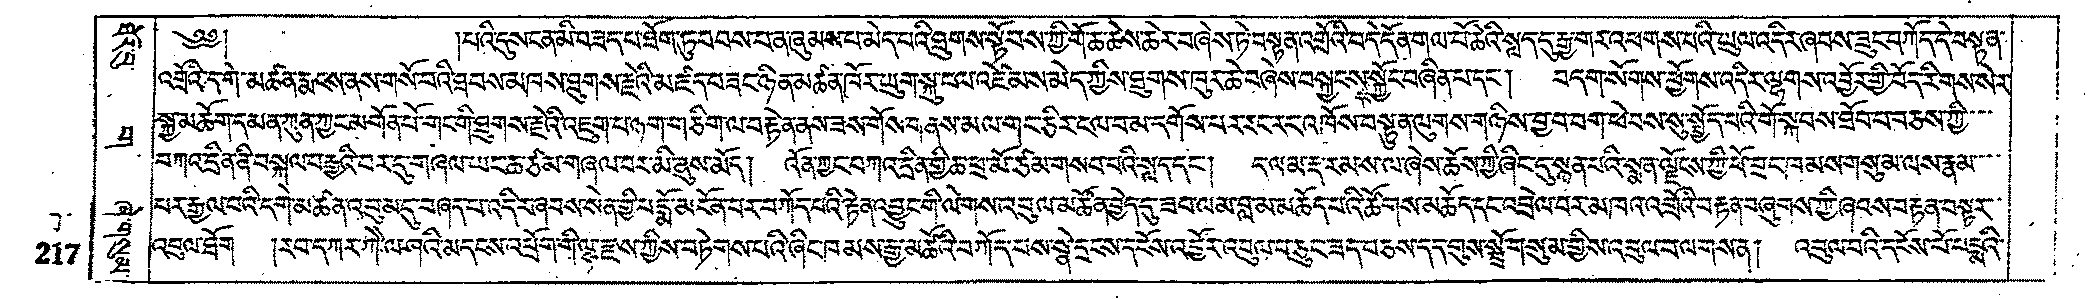༄༅། །པའི་དུས་ངན་མི་བཟད་པ་ཐོག་ཏུ་བབས་པ་ན་ཞུམས་པ་མེད་པའི་ཐུགས་སྟོབས་ཀྱི་གོ་ཆ་ཆེས་ཆེར་བཞེས་ཏེ་བསྟན་འགྲོའི་བདེ་དོན་གལ་པོ་ཆེའི་སླད་དུ་རྒྱ་གར་འཕགས་པའི་ཡུལ་འདིར་ཞབས་ཟུང་བཀོད་དེ་བསྟན་
འགྲོའི་དགེ་མཚན་རྨངས་ནས་གསོ་བའི་ཐབས་མཁས་ཐུགས་རྗེའི་མཛད་བཟང་ཉིན་མཚན་ཁོར་ཡུག་སྐུ་ངལ་འཛེམས་མེད་ཀྱིས་ཐུགས་ཁུར་ཆེ་བཞེས་བསྐྱངས་དང་སྐྱོང་བཞིན་པ་དང་། བདག་སོགས་ཕྱོགས་འདིར་ལྷགས་འབྱོར་གྱི་བོད་རིགས་སེར་
སྐྱ་མཆོག་དམན་ཀུན་ཀྱང་མགོན་པོ་གང་གི་ཐུགས་རྗེའི་འཇུག་པ་ཉག་གཅིག་ལ་བརྟེན་ནས་ཟས་གོས་གནས་མལ་གང་ཅིར་ངལ་བ་མ་དགོས་པར་རང་རང་འཁོས་བསྟུན་ལུགས་གཉིས་བྱ་བ་བག་ཕེབས་སུ་སྤྱོད་པའི་གོ་སྐབས་ཐོབ་པ་བཅས་ཀྱི་་་
བཀའ་དྲིན་ནི་བསྐལ་བརྒྱའི་བར་དུ་གཞལ་ཡང་ཆ་ཙམ་གཞལ་བར་མི་ནུས་མོད། འོན་ཀྱང་བཀའ་དྲིན་གྱི་ཆ་ཕྲ་མོ་ཙམ་གསབ་པའི་སླད་དང་། ད་ལམ་རྡ་རམ་ས་ལ་ཞེས་ཆོས་ཀྱི་ཞིང་དུ་སྙན་པའི་སྨན་ལྗོངས་ཀྱི་ཕོ་བྲང་ཁམས་གསུམ་ལས་རྣམ་་་
པར་རྒྱལ་བའི་དགེ་མཚན་འབུམ་དུ་བཞད་པ་འདིར་ཞབས་སེན་གྱི་པདམོ་མངོན་པར་བཀོད་པའི་རྟེན་འབྱུང་གི་ལེགས་འབུལ་མཚོན་བྱེད་དུ་ཟབ་ལམ་བླ་མ་མཆོད་པའི་ཚོགས་མཆོད་དང་འབྲེལ་བར་མཁའ་འགྲོའི་བརྟན་བཞུགས་ཀྱི་ཞབས་བརྟན་བསྟར་་་
འབུལ་ཐོག །རབ་དཀར་ཀཻ་ལ་ཤའི་མདངས་འཕྲོག་གི་ལྷ་རྫས་ཀྱིས་བཏེགས་པའི་ཞིང་ཁམས་རྒྱ་མཚོའི་བཀོད་པས་སྣེ་དྲངས་དངོས་འབྱོར་འབུལ་བ་ཅུང་ཟད་བཅས་དད་གུས་སྦྲོ་གསུམ་གྱིས་འབུལ་བ་ལགས་ན། འབུལ་བའི་དངོས་པོ་པདམའི་